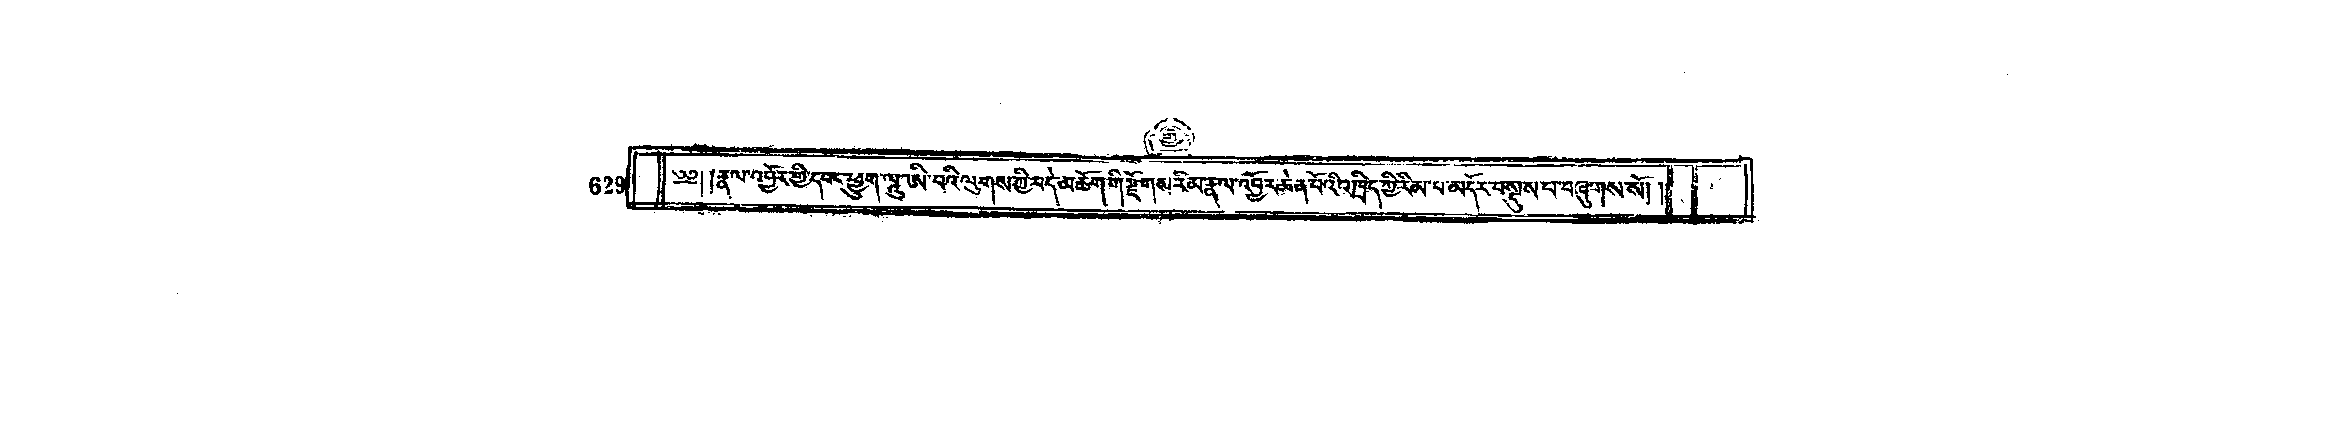༼༽རྒྱ༼༽
༄༅། །རྣལ་འབྱོར་གྱི་དབང་ཕྱུག་ལཱུ་ཨི་པའི་ལུགས་ཀྱི་བདེ་མཆོག་གི་རྫོགས་རིམ་རྣལ་འབྱོར་ཆེན་པོའི་འཁྲིད་ཀྱི་རིམ་པ་མདོར་བསྡུས་པ་བཞུགས་སོ། །